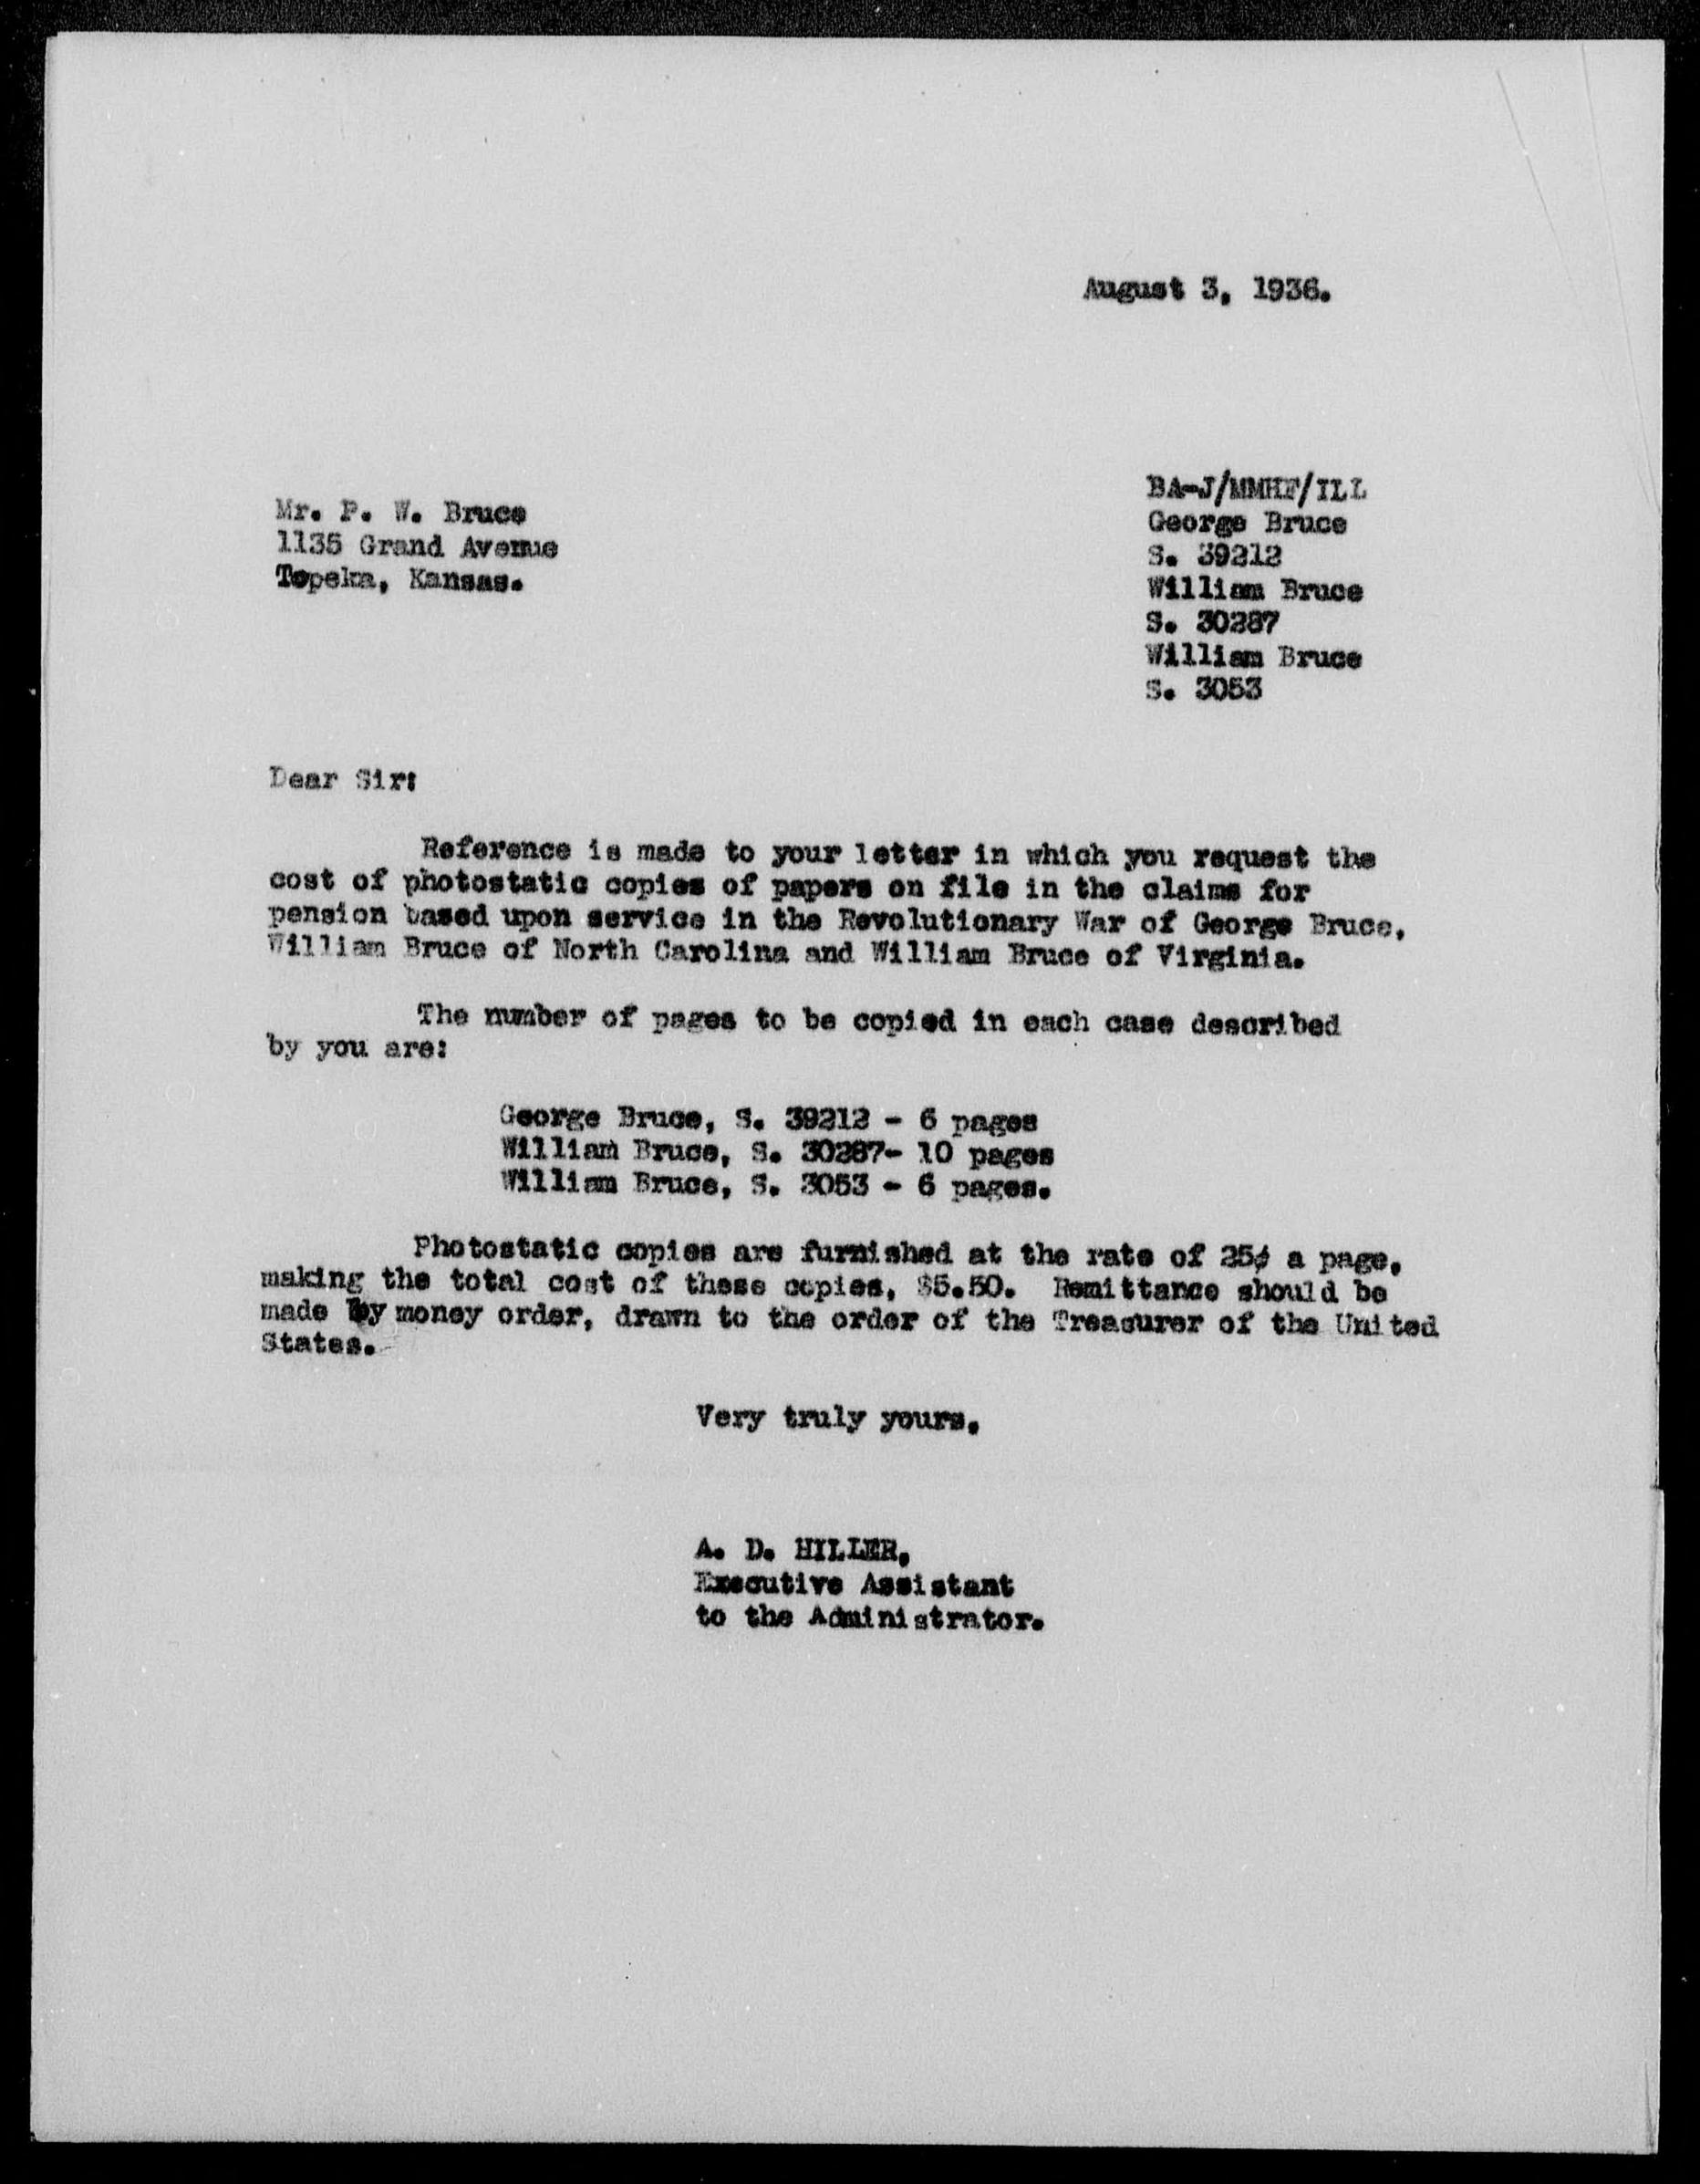[typed form]

August 3, 1938.

BA-J/MMHF/ILL 
George Bruce 
S. 39212 
William Bruce 
S. 30287 
William Bruce 
S. 3053

Mr. P.W. Bruce 
1135 Grand Avenue 
Topeka, Kansas. 

Dear Sir: 

Reference is made to your letter in which you request the photostatic copies of papers on file in the claims for pension based upon service in the Revolutionary War of George Bruce, William Bruce of North Carolina and William Bruce of Virginia. 

The number of pages to be copied in each case described by you are:
George Bruce, S. 39312 - 6 pages 
William Bruce, S. 30287 - 10 pages 
William Bruce, S. 3053 - 6 pages. 

Photostatic copies are furnished at the rate of 25¢ a page, making the total cost of these Copies, $5.50. Remittance should be made by money order drawn to the order of the Treasurer of the United States.

Very truly yours, 

A. D. HILLER, 
Executive Assistant 
to the Administrator.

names: William Bruce, William Bruce, P W Bruce, William Bruce, William Bruce, A D Hiller, George Bruce, George Bruce, William Bruce, William Bruce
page: 33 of 54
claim: survivor's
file: S. 30287, William Bruce, N.C.